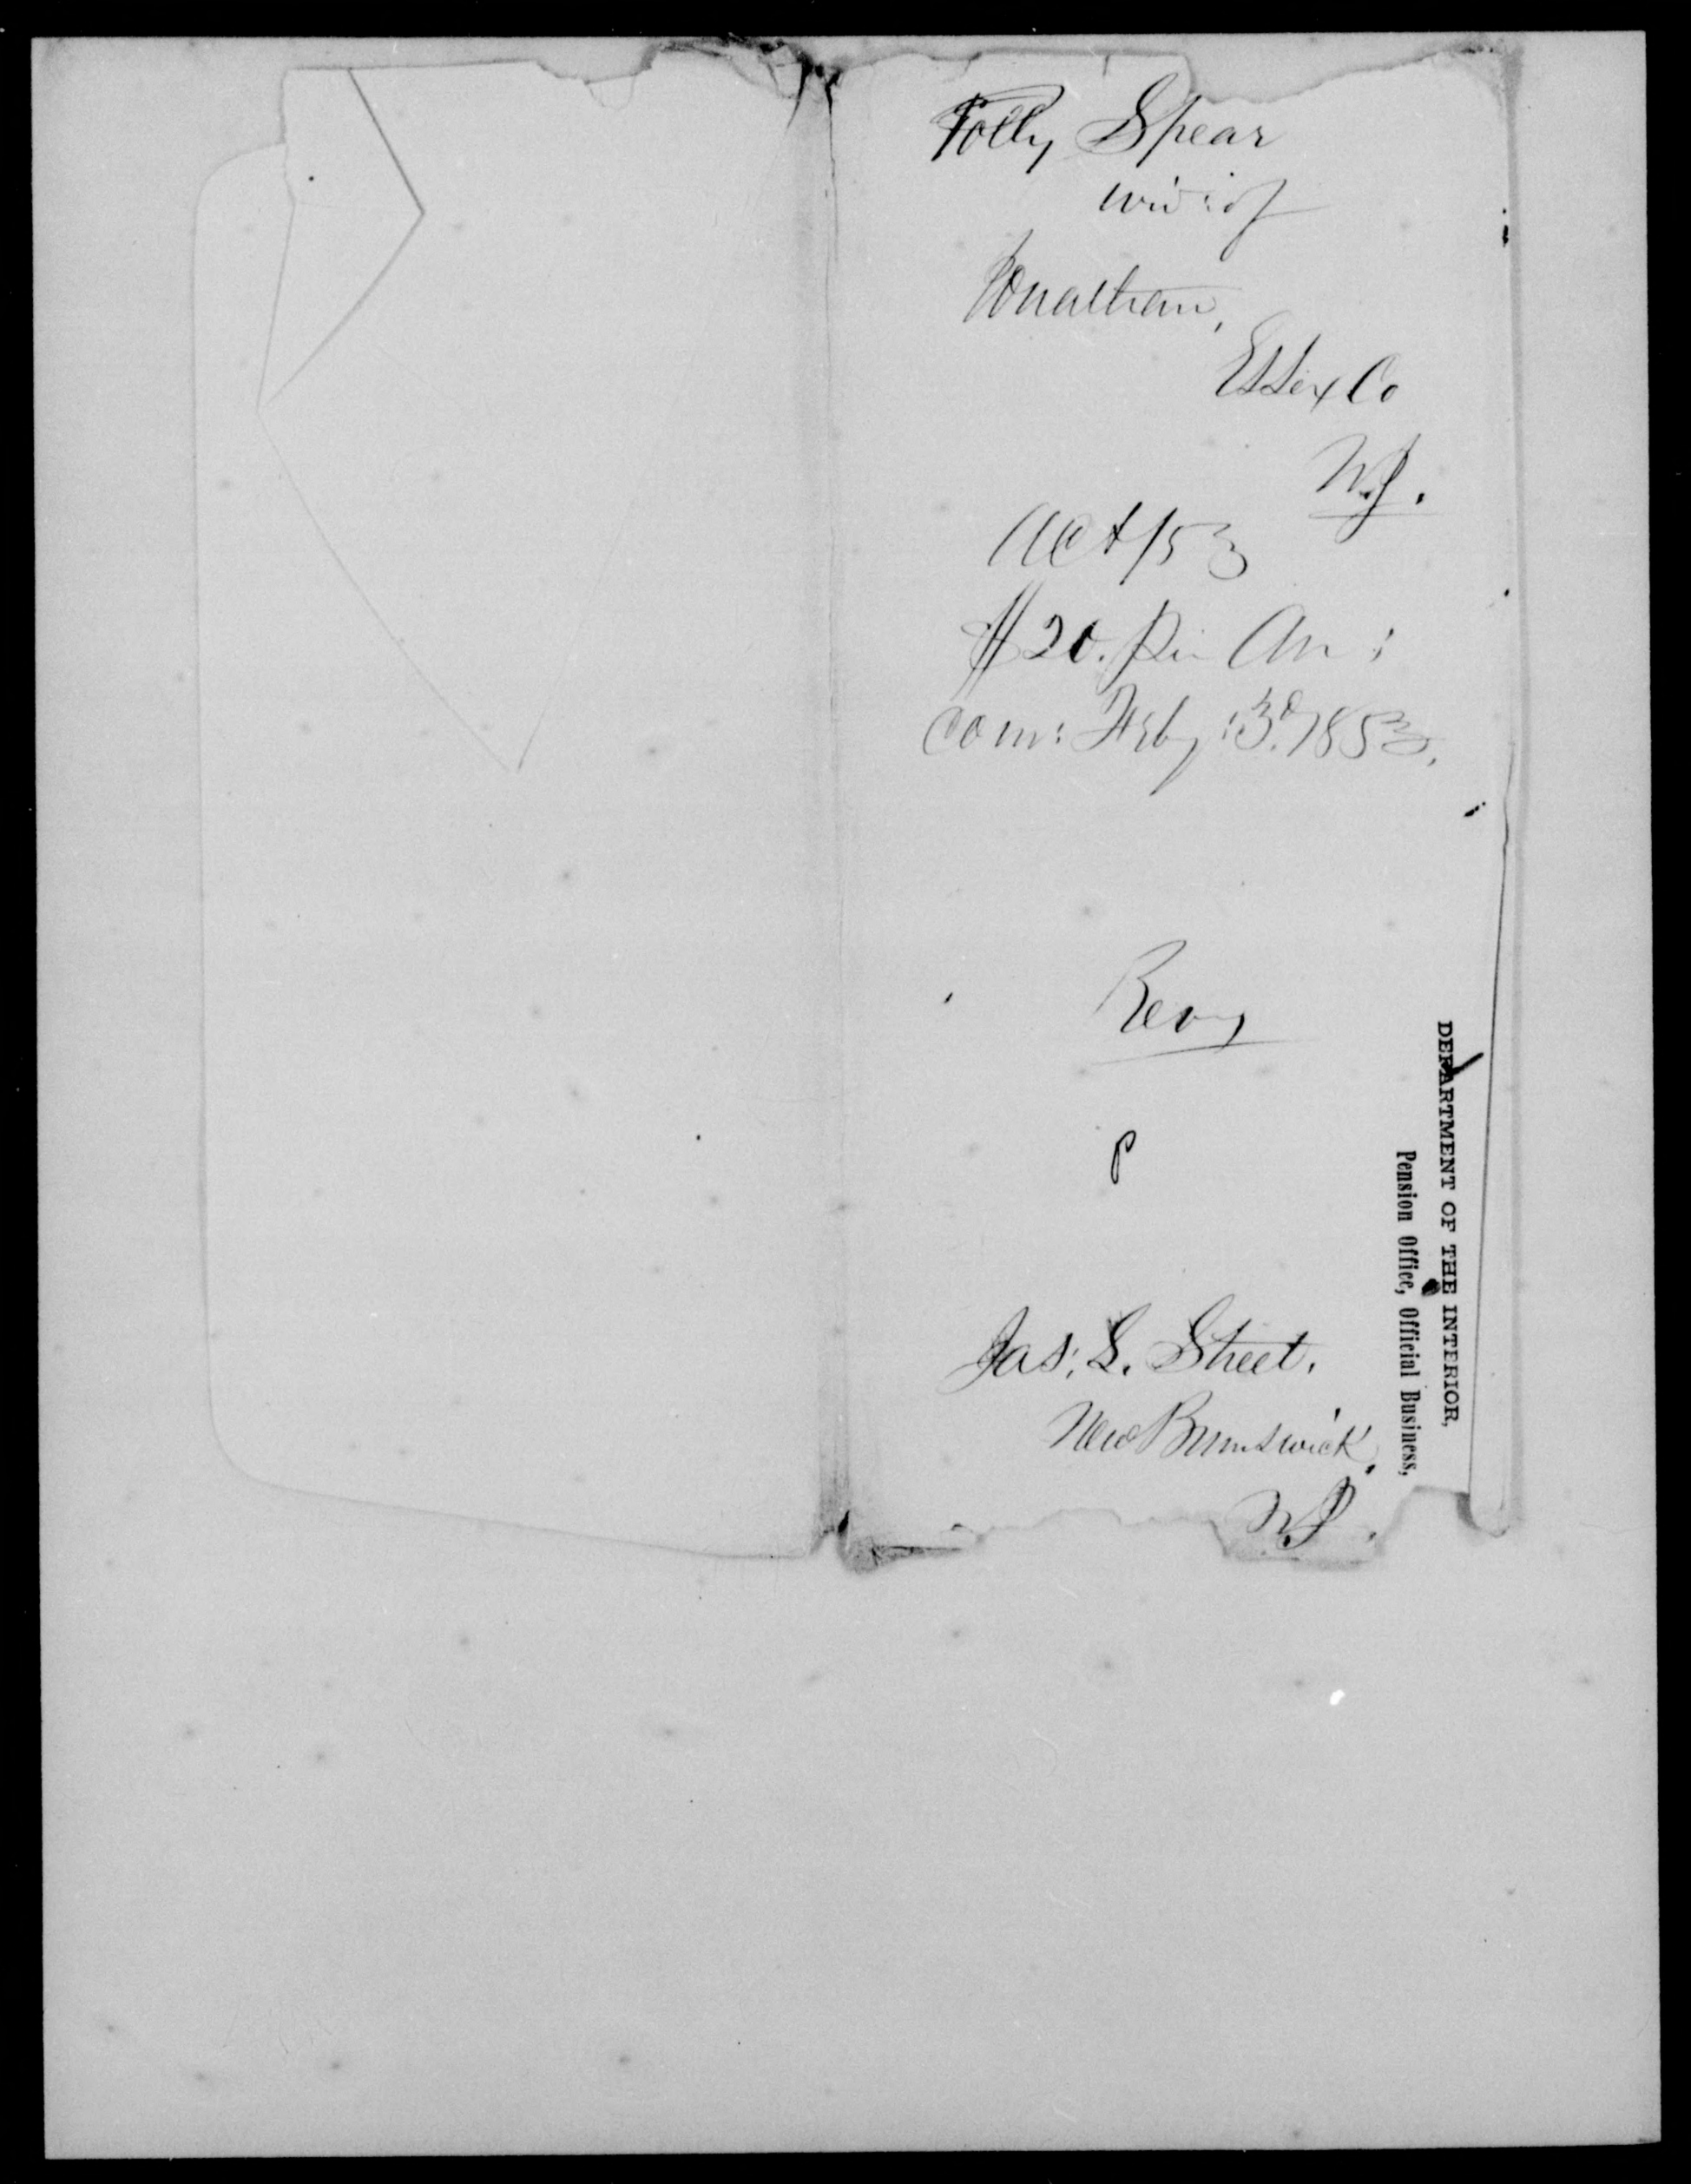Polly Spear
wid of
Jonathan
Essex NJ
Act 15
$20. per an;
Com: Feby 3 1853

Revy
Jas. L. Street,
New Brunswick
NJ
DEPARTMENT OF THE INTERIOR
Pension Office, Official Business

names: Jas L Street; Polly Spear; Jonathan Spear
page: 29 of 65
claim: widow's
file: W. 7197, for Jonathan Spear, Vermont